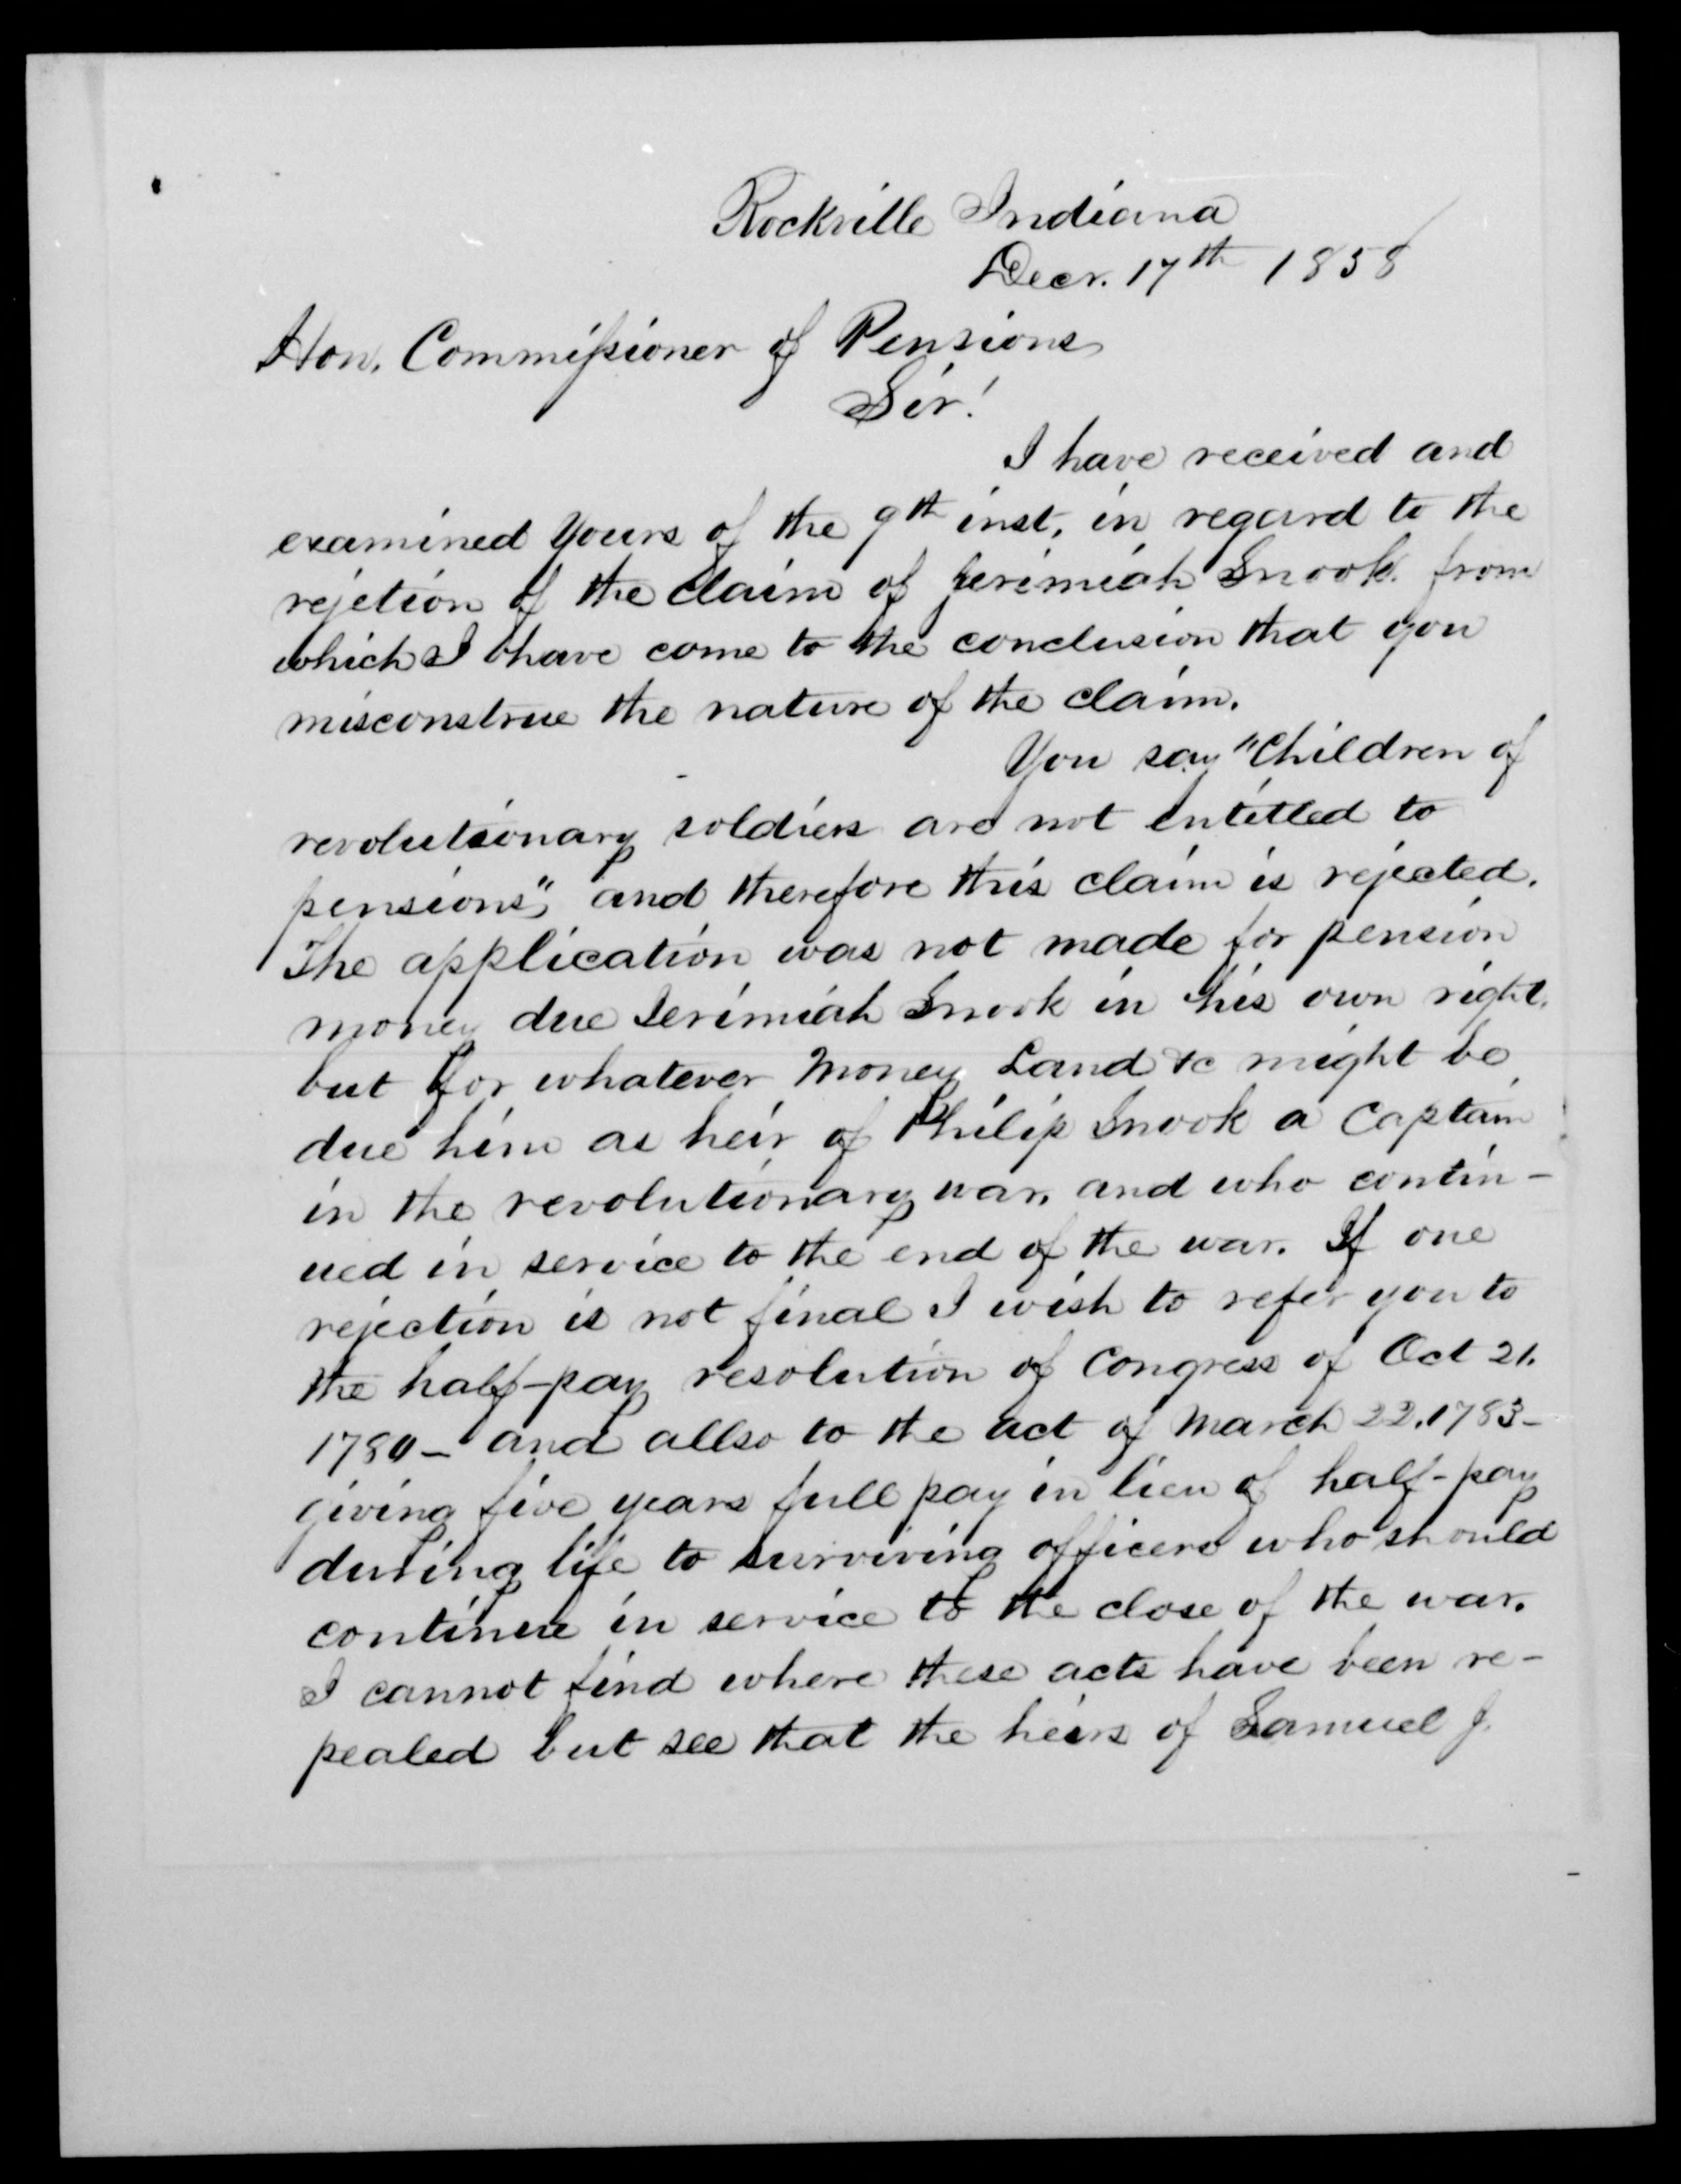Rickville Indiana Decr. 17th 1855
Hon, Commissioner of Pensions
Sir! I have received and examined yours of the 9th inst- in regard to the rejection of the claim of Jeremiah Snook from which I have come to the conclusion that you misconstrue the nature of the claim.
You say "children of revolutionary soldiers are not entitled to pensions" and therefore this claim is rejected. The application was not made for pension money due Jeremiah Snook in his own right, but for whatever money land &c might be due him as heir of Philip Snook a captain in the revolutionary war, and who continued in service to the end of the war.  If one rejection is not final I wish to refer you to the half-pay resolution of congress of Oct. 21, 1780- and also to the act of March 22,1783-giving five years full pay in lieu of half-pay during life to surviving officer who should continue in service to the close of the war. I cannot find where these acts have been repealed but see that the heirs of Samuel J.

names: Jerimiah Snook; Philip Snook; Jerimiah Snook; Samuel J [BLANK]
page: 2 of 15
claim: rejected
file: R. 9,905, for Philip Snook, New Jersey